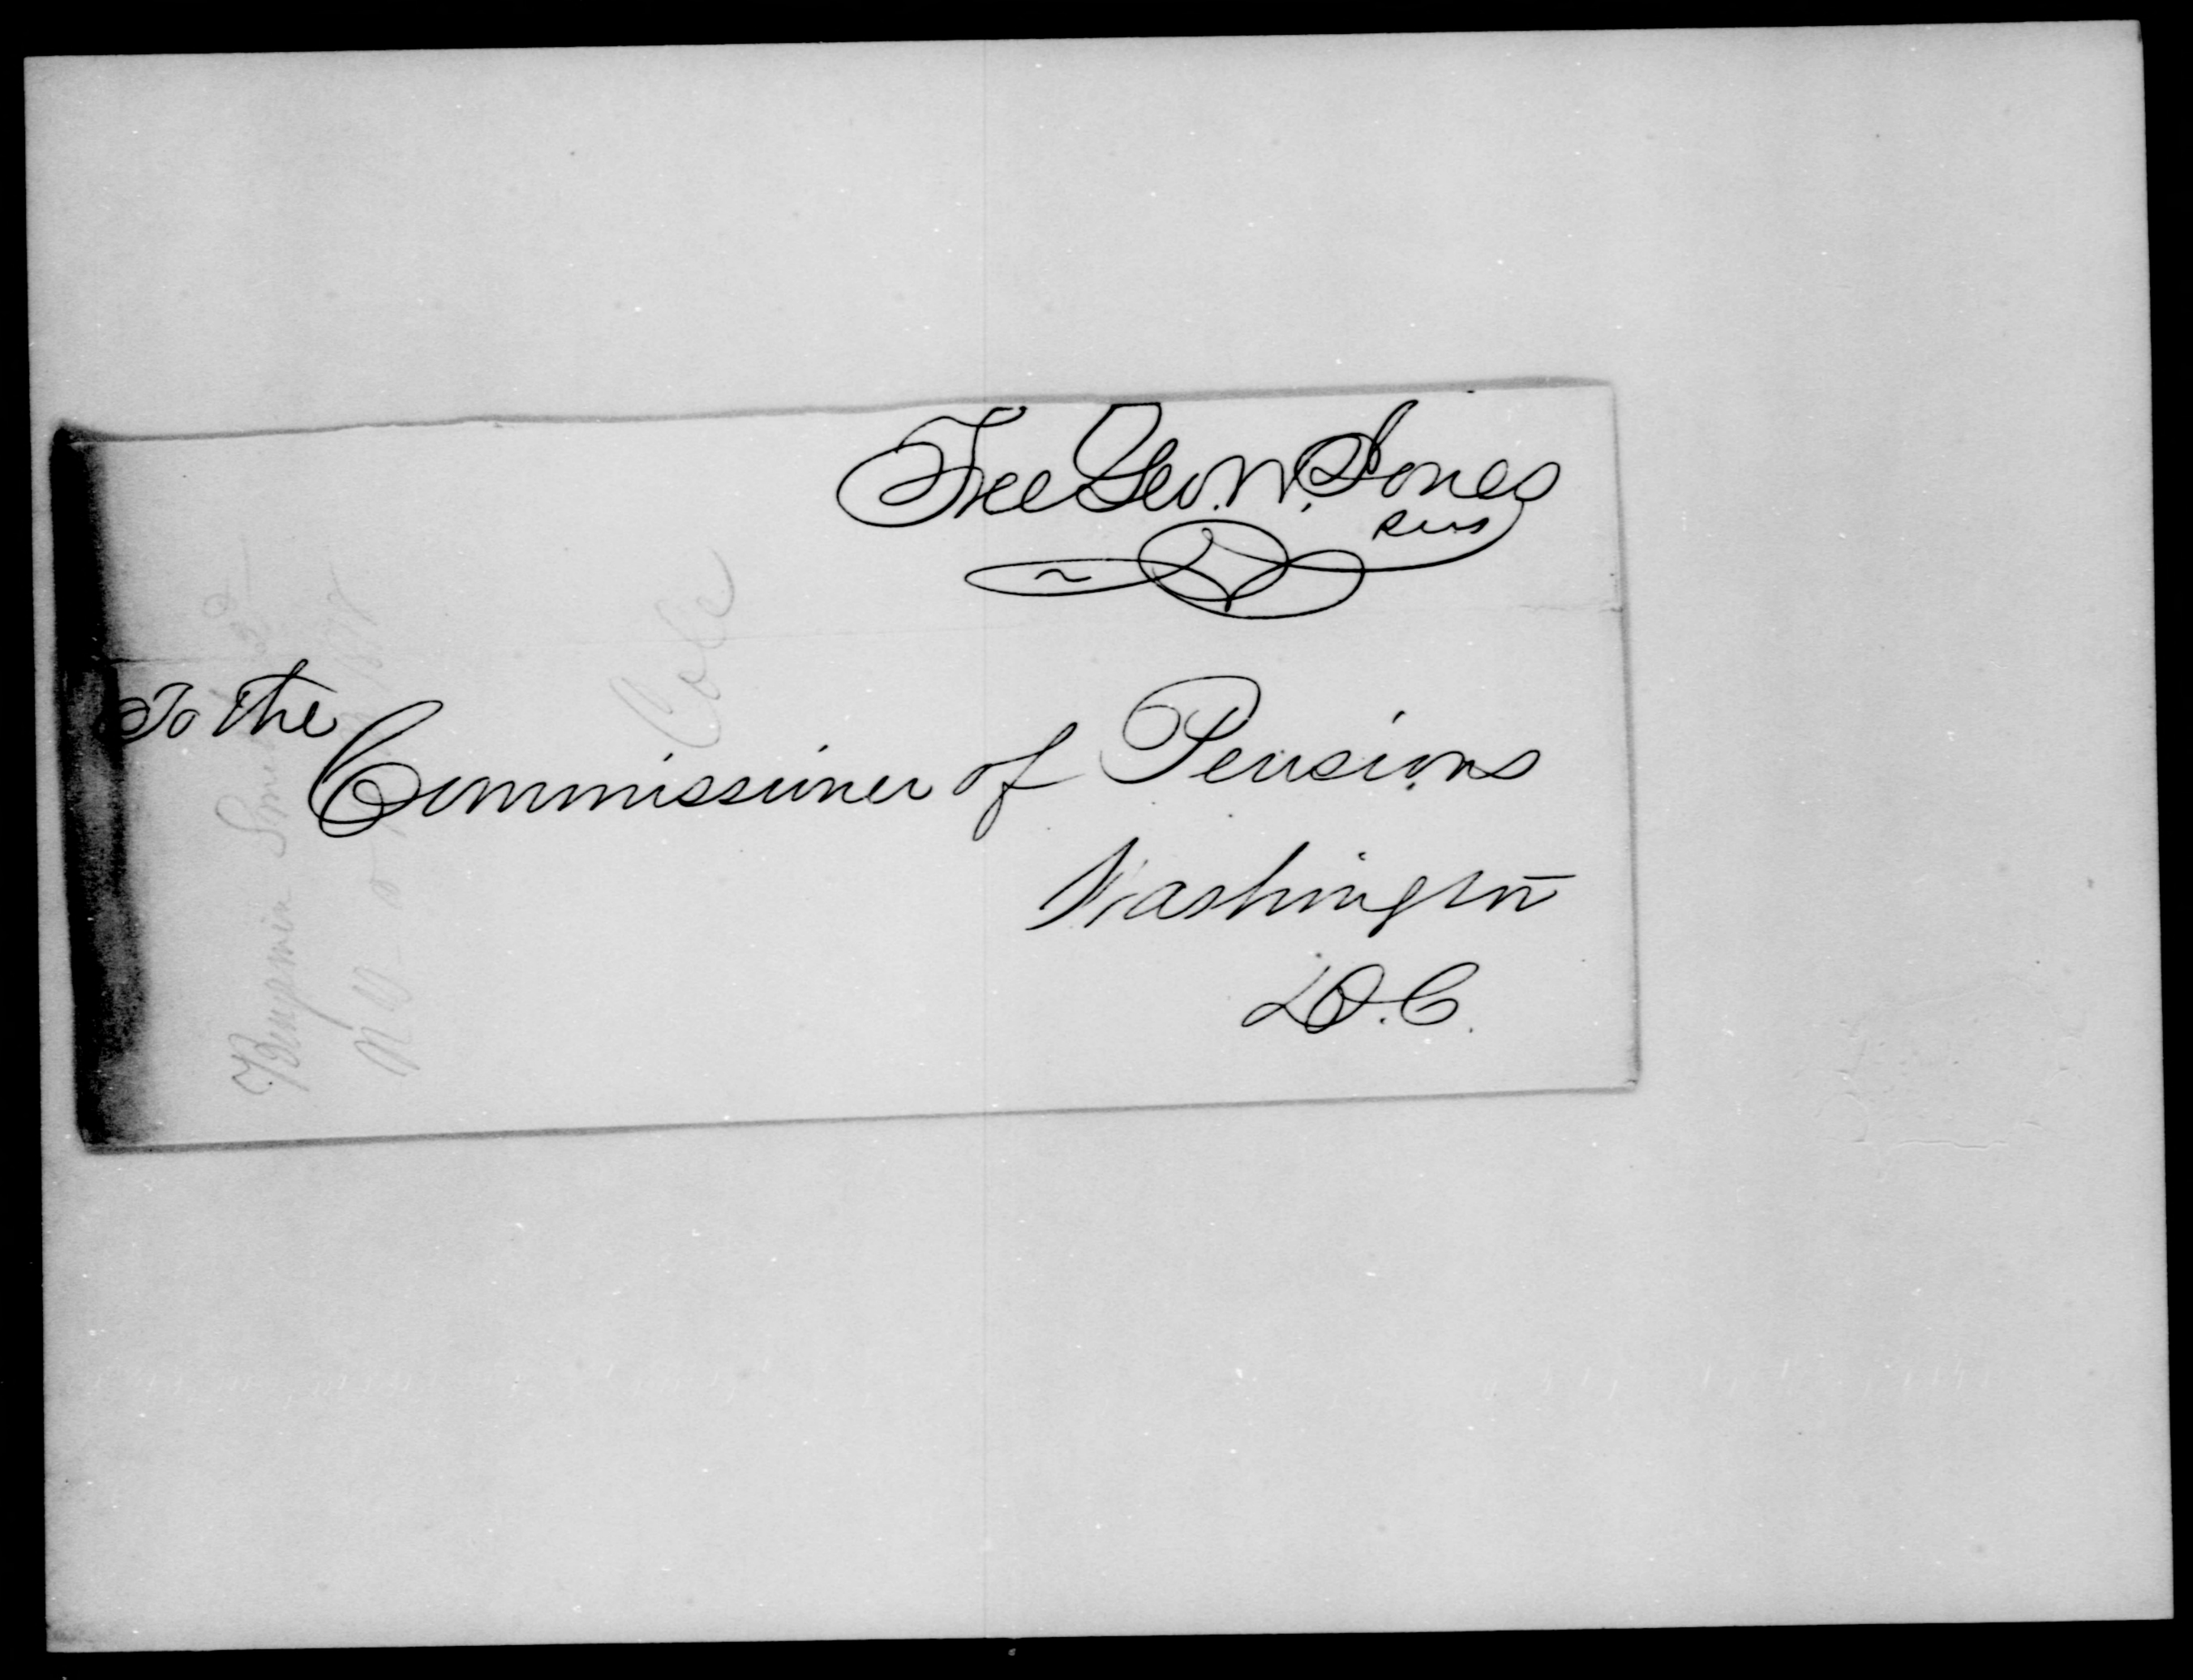Free Geo. W. Jones

To the
Commissioner of Pensions
Washington D.C.

[vertical]
Benjamin Smith 2d
NY March 1818  

Cole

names: Benjamin Smith; Geo W Jones; [BLANK] Cole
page: 14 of 16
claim: survivor's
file: S. 42341, for Benjamin Smith, Rhode Island